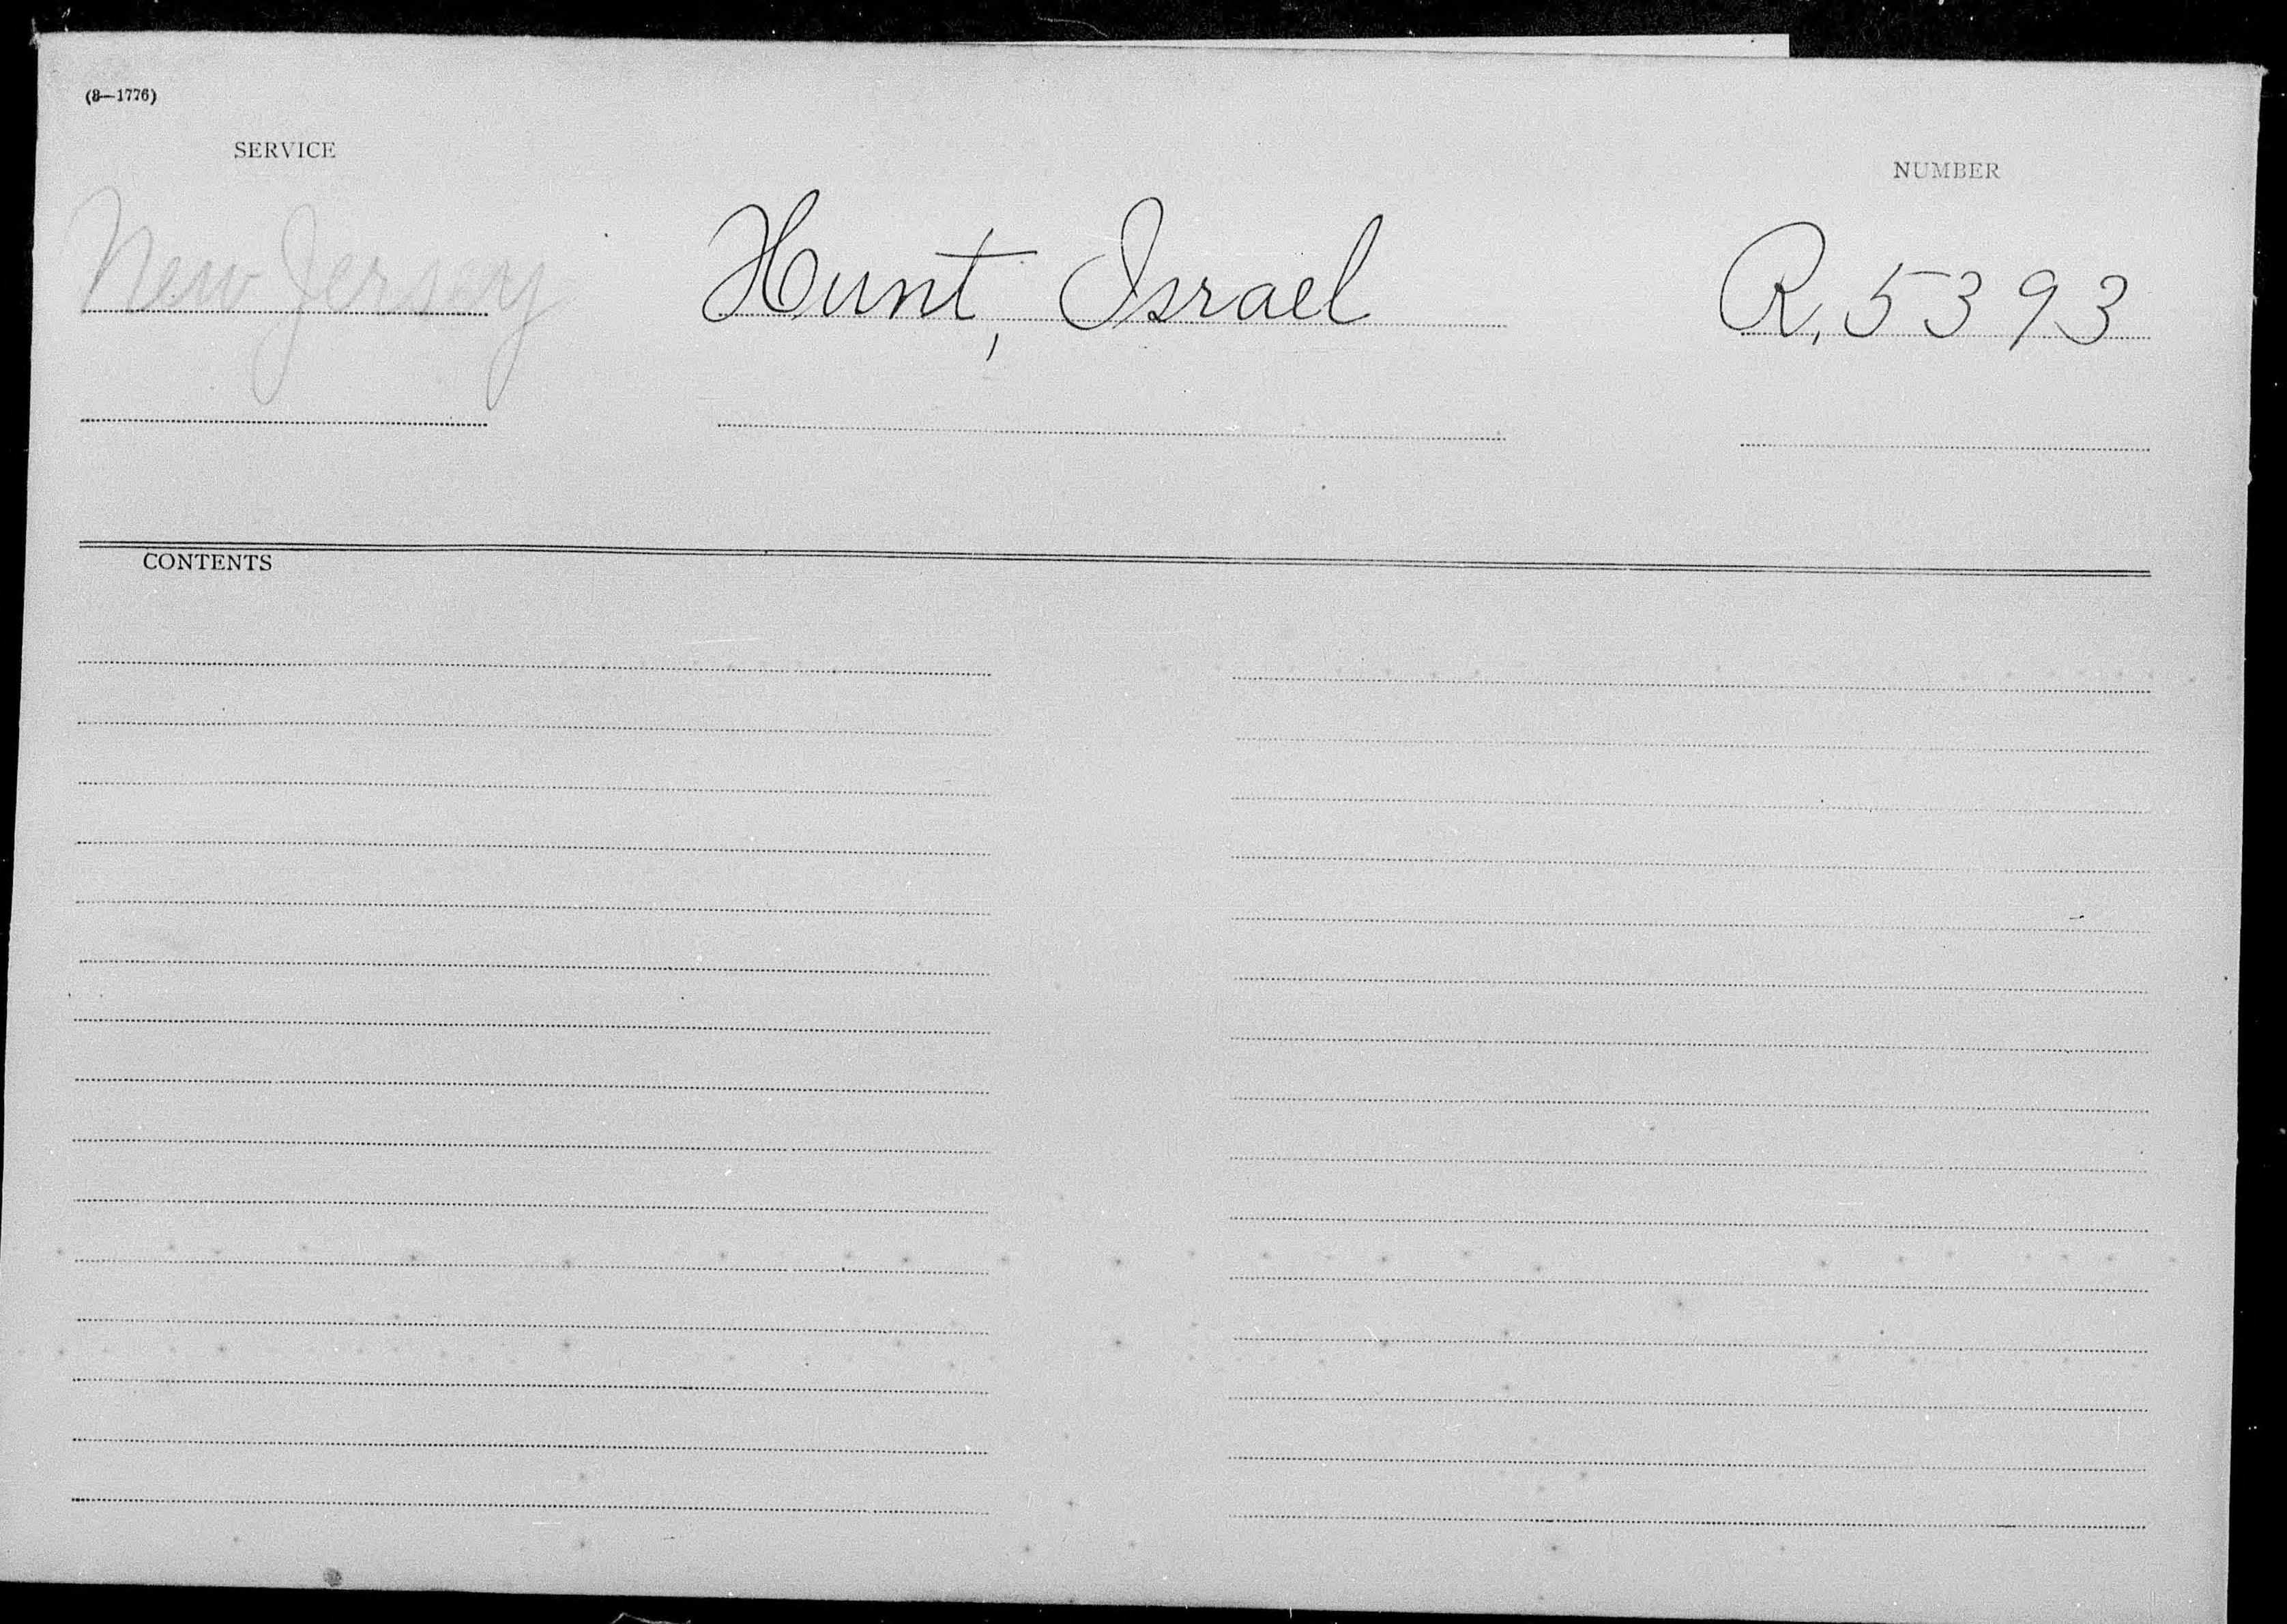Service New Jersey
Hunt, Israel
Number R. 5393

Contents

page: 1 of 18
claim: rejected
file: R. 5393, for Israel Hunt, New Jersey